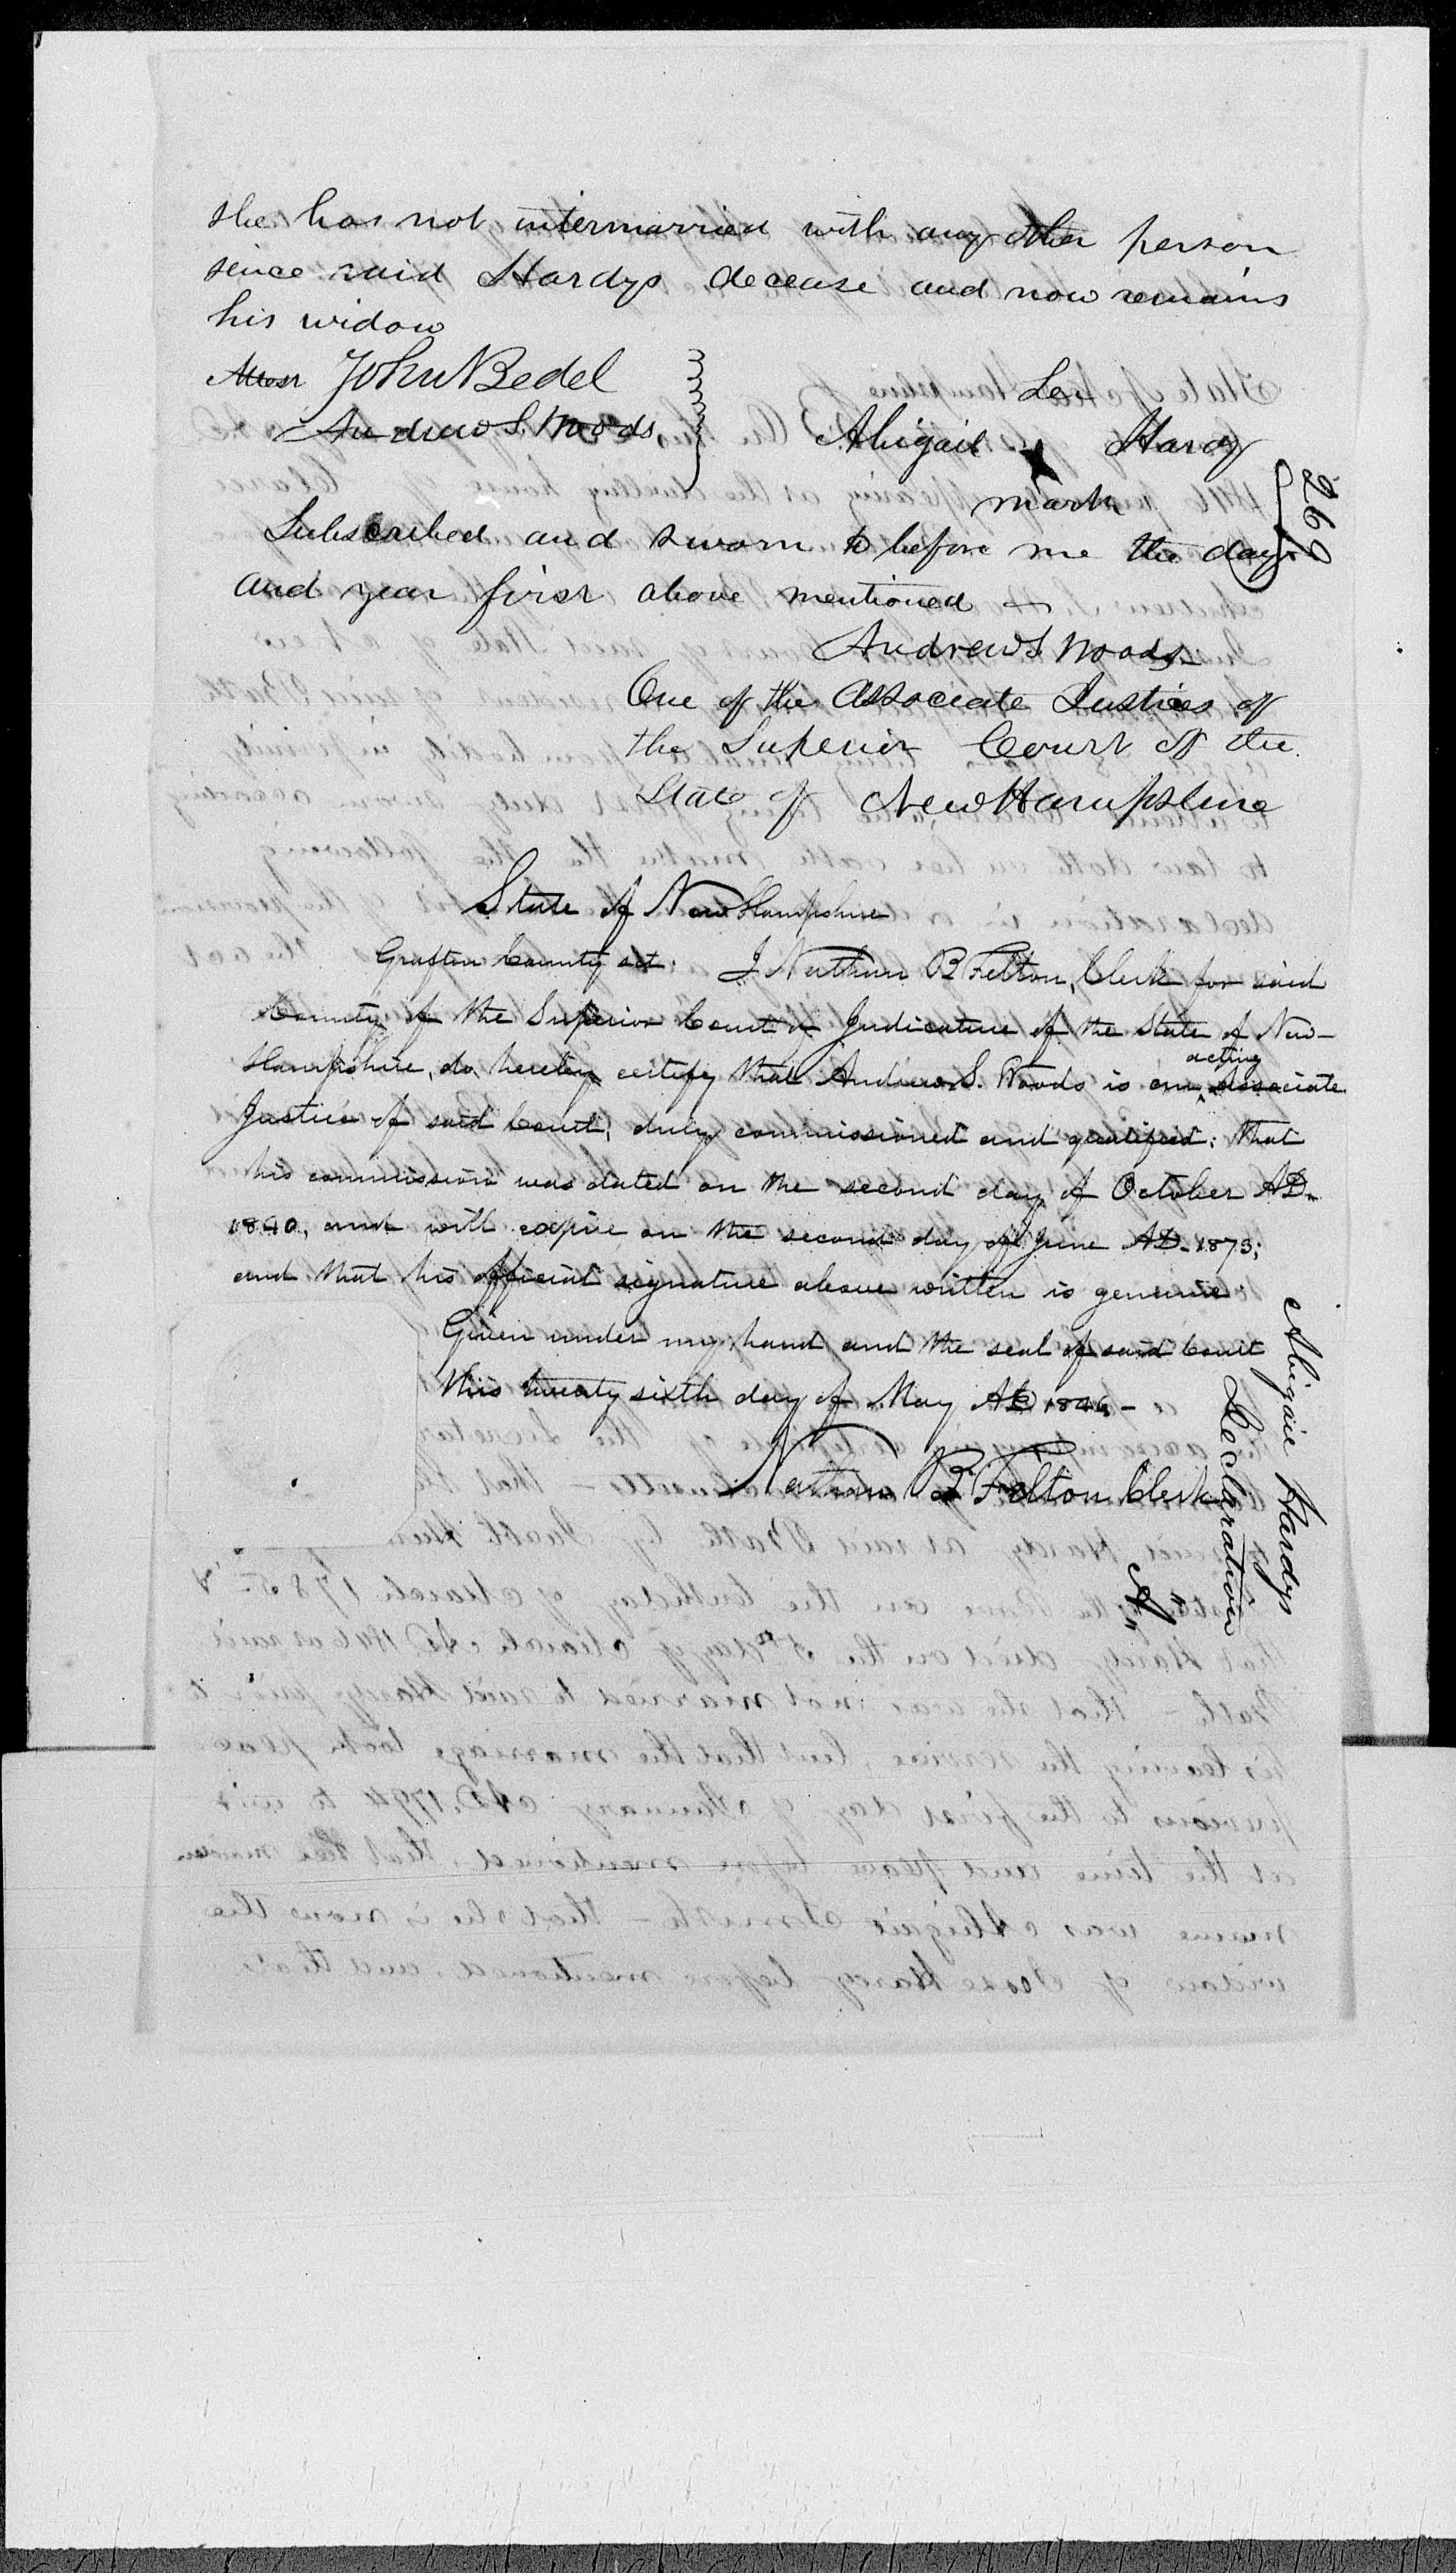she has not intermarried with any other person since said Hardy's decease and now remains his widow 
Attest John Bedel Andrew Moods Abigail Hardy[her] X[mark]
Sealed, [illegible] and and sworn before me the day and year first above mentioned - Andrew Wade One of the Associate Justices of the Superior Court of the State of New Hampshire 
State of New Hampshire Grafton County I Nathan B Felton Clerk for said County of the Superior Court of Judicature of the State of New Hampshire , do hereby certify that Andrews S. Woods is an acting Justice of said Court duly commissioned and qualified. that his commission was dated on the second day of October AD 1840, and will expire on the second day of June AD. 1873, and that his affiant signature above written is genuine Given under my hand and the seal of said Court this twenty sixth day of May A.D. 1846. Nathan B. Felton, Clerk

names: Abigail Hardy, Nathan B Felton, Nathan B Felton, John Bedel, Andrew S Woods, Andrew S Woods, Hardy, Andrew S Woods, Abigail Hardy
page: 14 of 67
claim: widow's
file: W. 23183, Jesse Hardy, Mass.